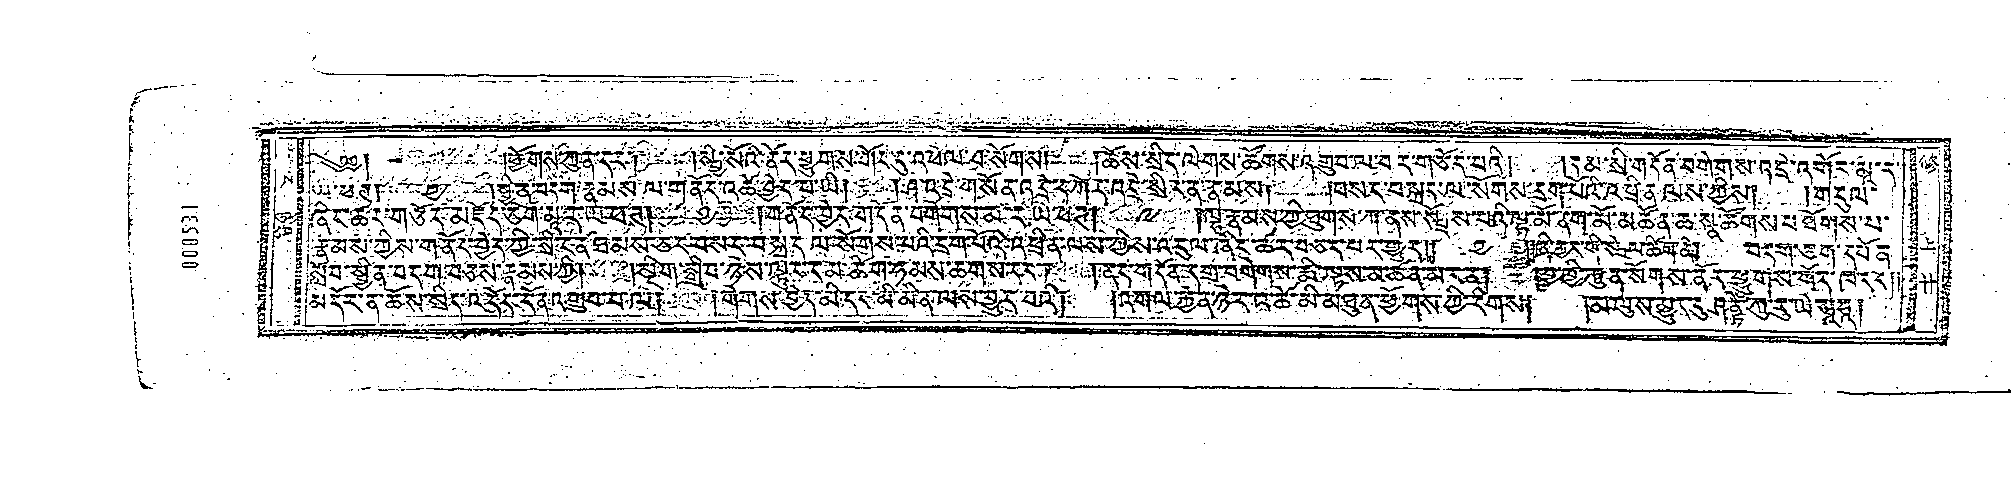༄༅། །ཕྱོགས་ཀུན་དང་། །སྤྱི་སོའི་ནོར་ཕྱུགས་གོང་དུ་འཕེལ་བ་སོགས། །ཆོས་སྲིད་ལེགས་ཚོགས་འགྲུབ་ལ་བར་གཅོད་པའི། །དམ་སྲི་གདོན་བགེགས་འདྲེ་འགོང་མཱ་ར་
ཡ་ཕཊ། ༧་།སྦྱིན་བདག་རྣམས་ལ་གནོད་འཚེ་བྱེད་པ་ཡི། །ཤ་འདྲེ་གསོན་འདྲེ་དཀར་འདྲེ་སྲི་ངན་རྣམས། །བསང་བསྐྲད་ལ་སོགས་དྲག་པོའི་འཕྲིན་ལས་ཀྱིས། །གདུལ་
ཞིང་ཚར་གཅོད་མཛོད་ཅིག་མཱ་ར་ཡ་ཕཊ། ༧་།གནོད་བྱེད་གདོན་བགེགས་མ་ར་ཡ་ཕཊ། ༧་།ལྷ་རྣམས་ཀྱི་ཐུགས་ཀ་ནས་སྤྲོས་པའི་ལྷ་མོ་ནག་མོ་མཚོན་ཆ་སྣ་ཚོགས་པ་ཐོགས་པ་
རྣམས་ཀྱིས་གནོད་བྱེད་ཀྱི་སྲི་ངན་ཐམས་ཅད་བསང་བསྐྲད་ལ་སོགས་པའི་དྲག་པོའི་འཕྲིན་ལས་ཀྱིས་འདུལ་ཞིང་ཚར་བཅད་པར་གྱུར།། ༧་།།ཞི་རྐྱང་གི་སྤེལ་ཚིག་ནི། བདག་ཅག་དཔོན་
སློབ་སྦྱིན་བདག་བཅས་རྣམས་ཀྱི། །སྡིག་སྒྲིབ་ཉེས་ལྟུང་དམ་ཚིག་ཉམས་ཆགས་དང་། །ནང་གདོན་དགྲ་བགེགས་རྨི་ལྟས་མཚན་མ་ངན། །བྱ་ཁྱི་རྐུན་སོགས་ནོར་ཕྱུགས་གོར་ཁ་དང་། །
མདོར་ན་ཆོས་སྲིད་འདོད་དོན་འགྲུབ་པ་ལ། །གེགས་བྱེད་མི་དང་མི་མིན་ལས་བྱུང་བའི། །འགལ་རྐྱེན་ཉེར་འ་ཚེ་མི་མཐུན་ཕྱོགས་ཀྱི་རིགས། །མ་ལུས་མྱུར་དུ་ཤནྟི་ཀུ་རུ་ཡེ་སྭཱཧཱ།